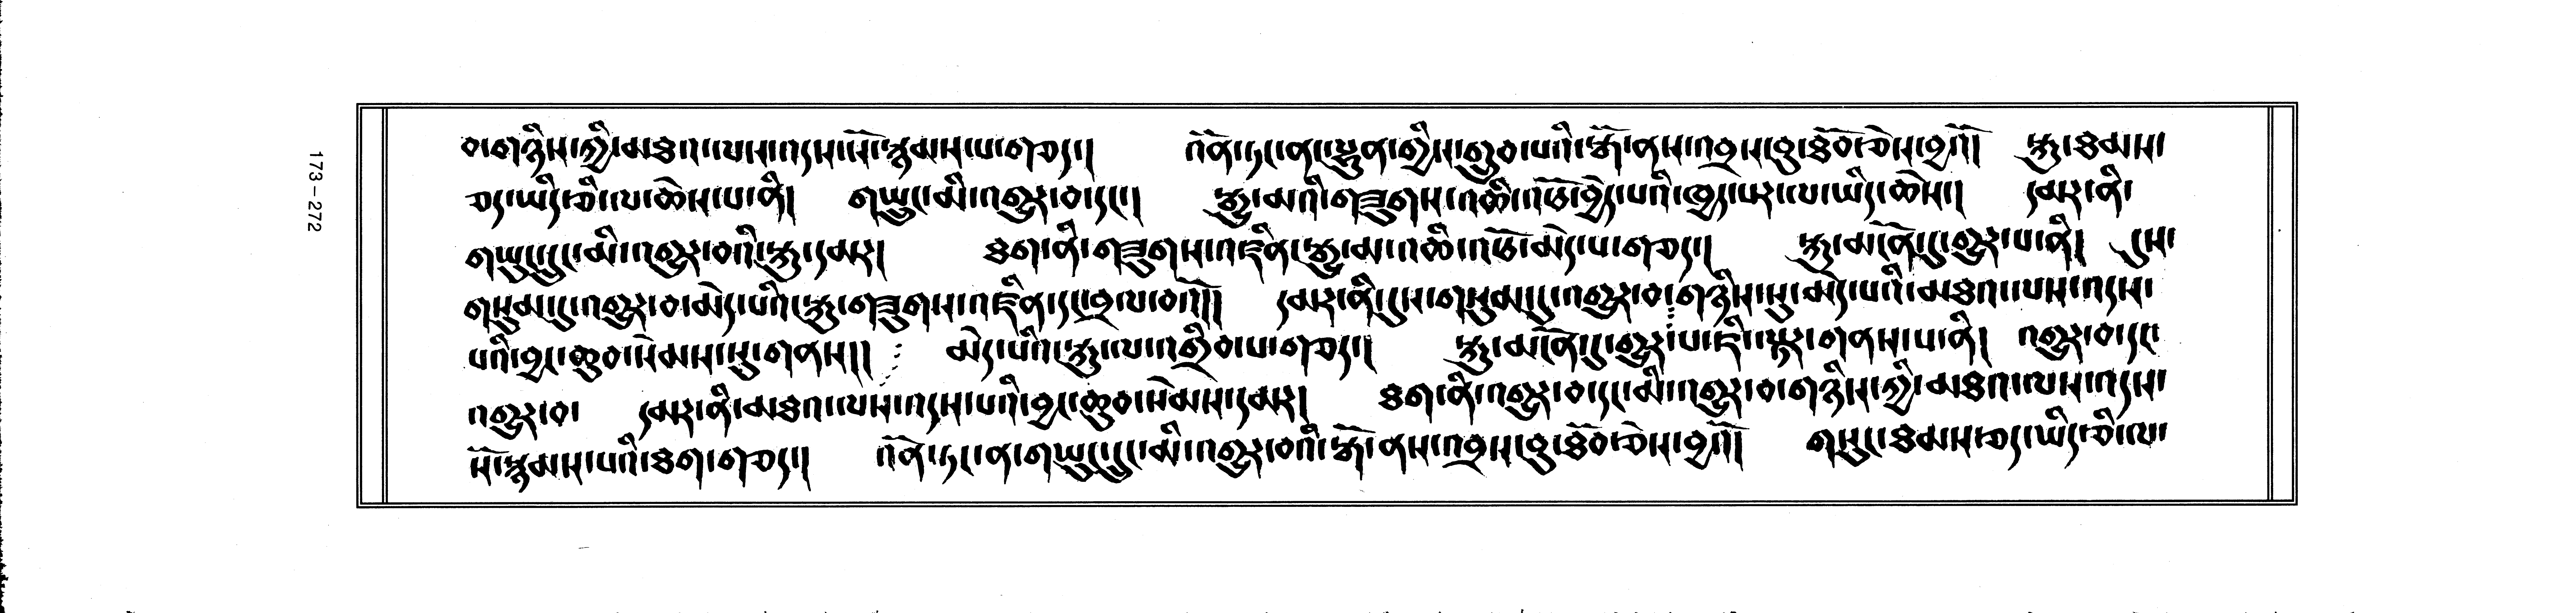བ་གཉིས་ཀྱི་མཐའ་ལས་འདས་སོ་སྙམ་པ་གཅད། འོན་ཏང་ན་ལྷུན་གྱིས་གྲུབ་པའི་སྒོ་ནས་འབྲས་བུ་ཐོབ་ཅེས་བྱའོ། །སྐུ་ཐམས་
ཅད་ཡིད་ཅི་ལ་ཆེས་པ་ནི། གཡུང་དྲུང་མི་འགྱུར་བ་དང་། སྒྱུ་མའི་གཟུགས་འཆི་འཕོ་བྱེད་པའི་ཁྱད་པར་ལ་ཡིད་ཆེས། དམར་ནི་
གཡུང་དྲུང་མི་འགྱུར་བའི་སྐུ་དམར། ཐག་ནི་གཟུང་འཛིན་སྒྱུ་མ་འཆི་འཕོ་མེད་པ་གཅད། སྐུ་མངོན་དུ་གྱུར་པ་ནི། དུས་
གསུམ་དུ་འགྱུར་བ་མེད་པའི་སྐུ་གཟུང་འཛིན་དང་བྲལ་བའོ། །དམར་ནི་དུས་གསུམ་དུ་འགྱུར་བ་མེད་པའི་ནི་མཐའ་ལས་འདས་
པའི་བྱང་ཆུབ་སེམས་སུ་གནས། མེད་པའི་སྐུ་ལ་འགྲིབས་གཅད། སྐུ་མངོན་དུ་གྱུར་པ་ཇི་ལྟར་གནས་པ་ནི། འགྱུར་བ་དང་
འགྱུར་བ་ དམར་ནི་མཐའ་ལས་འདས་པའི་བྱང་ཆུབ་སེམས་དམར། ་ཐག་ནི་འགྱུར་བ་དང་མི་འགྱུར་་བ་གཉིས་ཀྱི་མཐའ་ལས་འདས་
སོ་སྙམ་པའི་ཐག་པ་གཅད། འོན་ཏང་ན་གཡུང་དྲུང་མི་འགྱུར་བའི་འབྲས་ཐག་ནི་འགྱུར་བུ་ཐོབ་ཅེས་བྱའོ། །གསུང་ཐམས་ཅད་ཡིད་ཅི་ལ་